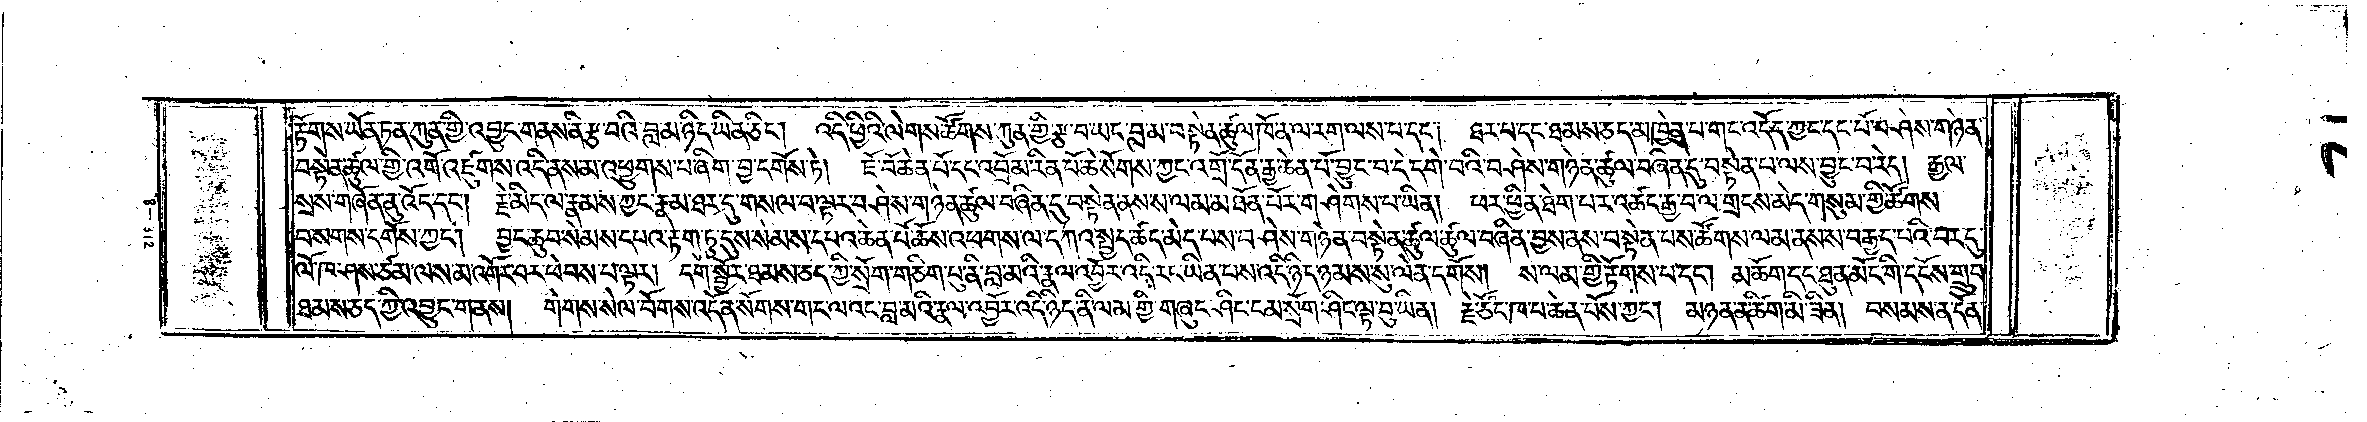རྟོགས་ཡོན་ཏན་ཀུན་གྱི་འབྱུང་གནས་ནི་རྩ་བའི་བླ་མ་ཉིད་ཡིན་ཅིང་། འདི་ཕྱིའི་ལེགས་ཚོགས་ཀུན་གྱི་རྩ་བ་ཡང་བླ་མ་བསྟེན་ཚུལ་ཁོ་ན་ལ་རག་ལས་པ་དང་། ཐར་པ་དང་ཐམས་ཅད་མཁྱེན་པ་གང་འདོད་ཀྱང་དང་པོ་བཤེས་གཉེན་
བསྟེན་ཚུལ་གྱི་འགོ་འཛུགས་འདི་ནས་མ་འཕྱུགས་པ་ཞིག་བྱ་དགོས་ཏེ། ཇོ་བོ་ཆེན་པོ་དང་འབྲོ་མ་རིན་པོ་ཆེ་སོགས་ཀྱང་འགྲོ་དོན་རྒྱ་ཆེན་པོ་བྱུང་བ་དེ་དགེ་བའི་བཤེས་གཉེན་ཚུལ་བཞིན་དུ་བསྟེན་པ་ལས་བྱུང་བ་རེད། རྒྱལ་
སྲས་གཞོན་ནུ་འོད་དང་། རྗེ་མིད་ལ་རྣམས་ཀྱང་རྣམ་ཐར་དུ་གསལ་བ་ལྟར་བཤེས་གཉེན་ཚུལ་བཞིན་དུ་བསྟེན་ནས་ས་ལམ་མཐོན་པོར་གཤེགས་པ་ཡིན། ཕར་ཕྱིན་ཐེག་པར་འཚང་རྒྱ་བ་ལ་གྲངས་མེད་གསུམ་གྱི་ཚོགས་
བསགས་དགོས་ཀྱང་། བྱང་ཆུབ་སེམས་དཔའ་རྟག་ཏུ་དུས་སེམས་དཔའ་ཆེན་པོ་ཆོས་འཕགས་ལ་དཀའ་སྤྱད་ཚད་མེད་པས་བཤེས་གཉེན་བསྟེན་ཚུལ་ཚུལ་བཞིན་བྱས་ནས་བསྟེན་པས་ཚོགས་ལམ་ནས་ས་བརྒྱད་པའི་བར་དུ་
ལོ་ཁ་ཤས་ཙམ་ལས་མ་འགོར་བར་ཕེབས་པ་ལྟར། དགེ་སྦྱོར་ཐམས་ཅད་ཀྱི་སྲོག་གཅིག་པུ་ནི་བླ་མའི་རྣལ་འབྱོར་འདི་རང་ཡིན་པས་འདི་ཉིད་ཉམས་སུ་ལེན་དགོས། ས་ལམ་གྱི་རྟོགས་པ་དང་། མཆོག་དང་ཐུན་མོང་གི་དངོས་གྲུབ་
ཐམས་ཅད་ཀྱི་འབྱུང་གནས། གེགས་སེལ་བོགས་འདོན་སོགས་གང་ལའང་བླ་མའི་རྣལ་འབྱོར་འདི་ཉིད་ནི་ལམ་གྱི་གཞུང་ཤིང་ངམ་སྲོག་ཤིང་ལྟ་བུ་ཡིན། རྗེ་ཙོང་ཁ་པ་ཆེན་པོས་ཀྱང་། མཉན་ན་ཚིག་མི་ཟིན། བསམས་ན་དོན་